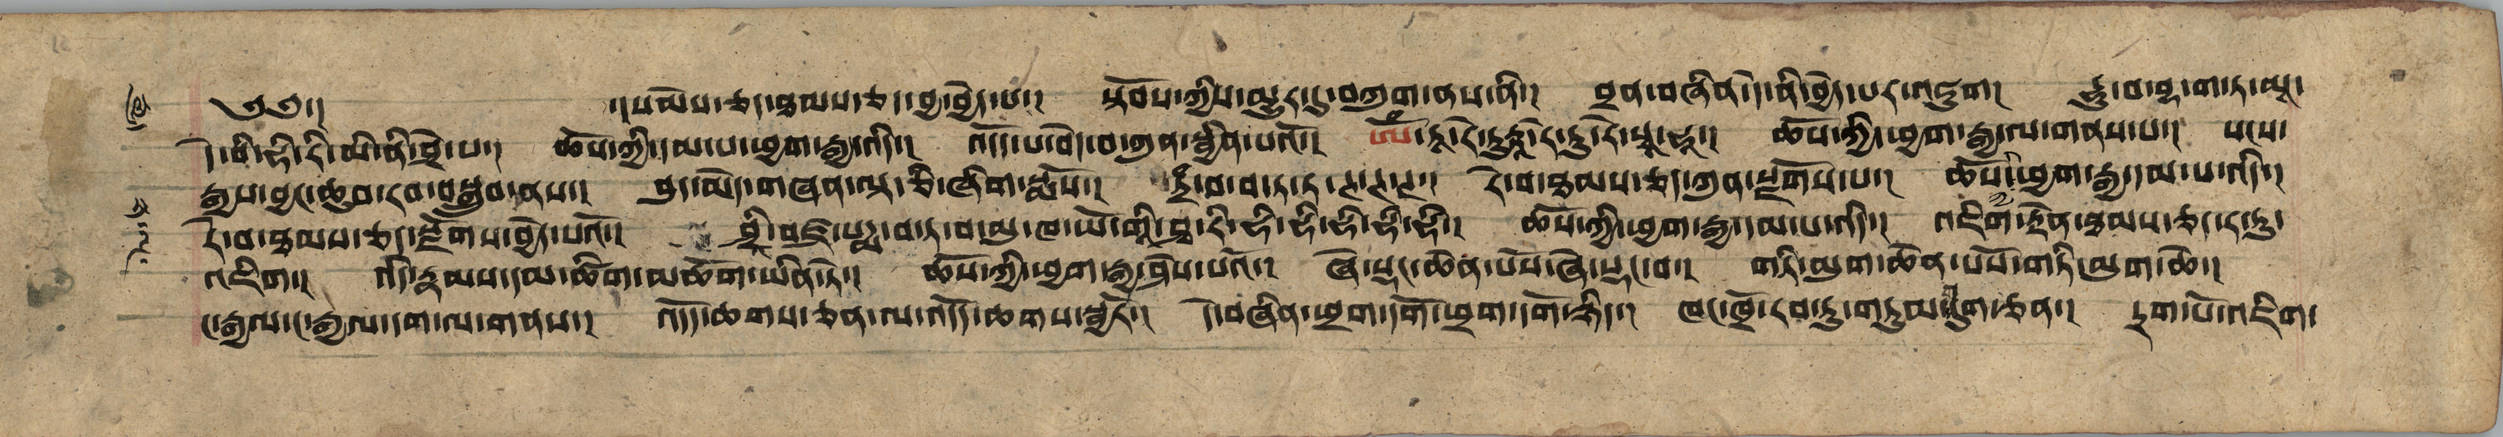༄༅་། ་།སེམས་ཅན་ཐམས་ཅད་བྱ་བྱེད་པ་། སྟོབས་ཀྱིས་མྱུར་དུ་བཀུག་ནས་ནི་། བྲན་བཞིན་དེ་ནི་བྱེད་པར་འཇུག། དྷུ་བ་བྷ་ག་ཏ་མཱ་
དེ་བི་ཧི་རི་མ་ནི་བྲེ་པ་། ཆོས་ཀྱི་དམ་པ་ཕྱག་རྒྱ་འདི་། འདོད་པ་བདེ་བ་ཀུན་སྦྱིན་པའོ་། ཨོཾ་ཏཱ་རེ་ཏུཏྟཱ་རེ་སྭཱ་ཧཱ་། ཆོས་ཀྱི་ཕྱག་རྒྱ་ལ་གནས་པ་། སངས་
རྒྱས་བྱང་ཆུབ་རབ་བསྒྲུབ་ནས་། བུད་མེད་གཞན་ལྟ་ཅི་ཞིག་སྨོས་། ཏྲཾ་བ་བ་ཏ་ཏ་ཊ་ཊ་ཊ་། རེ་བ་ཐམས་ཅད་ཀུན་སྫོགས་པ་། ཆོས་ཀྱི་ཕྱག་རྒྱ་དམ་པ་འདི་།
རེ་བ་ཐམས་ཅད་སྫོགས་བྱེད་པའོ་། ཤྲཱི་བཛྲ་པདྨ་བ་ཏ་མུ་ཁ་ཡོ་གཱི་ཤྭ་རི་ཧི་ཧི་ཧི་ཧི་ཧི་། ཆོས་ཀྱི་ཕྱག་རྒྱ་དམ་པ་འདིིིིི་། འཇིག་རྟེན་ཐམས་ཅད་ར་རུ་
འཇིག་། འདི་རྣམས་དམ་ཚིག་མཆོག་ཡིན་ཏེ་། ཆོས་ཀྱི་ཕྱག་རྒྱ་ཤེས་པའོ་། ཞེ་སྡང་ཆེན་པོས་ཞེ་སྡང་བ་། གཏི་མུག་ཆེན་པོས་གཏི་མུག་ཆེ་།
ང་རྒྱལ་ང་རྒྱལ་དག་ལ་གནས་། འདོད་ཆགས་ཅན་ལ་འདོད་ཆགས་སྦྱོར་། དེ་བཞིན་ཕྲག་དོག་ཕྲག་དོག་ཉིད་། ཁང་ཁྲོ་རབ་ཏུ་གཏུམ་དུག་ཅན་། དྲག་པོ་འཇིག་